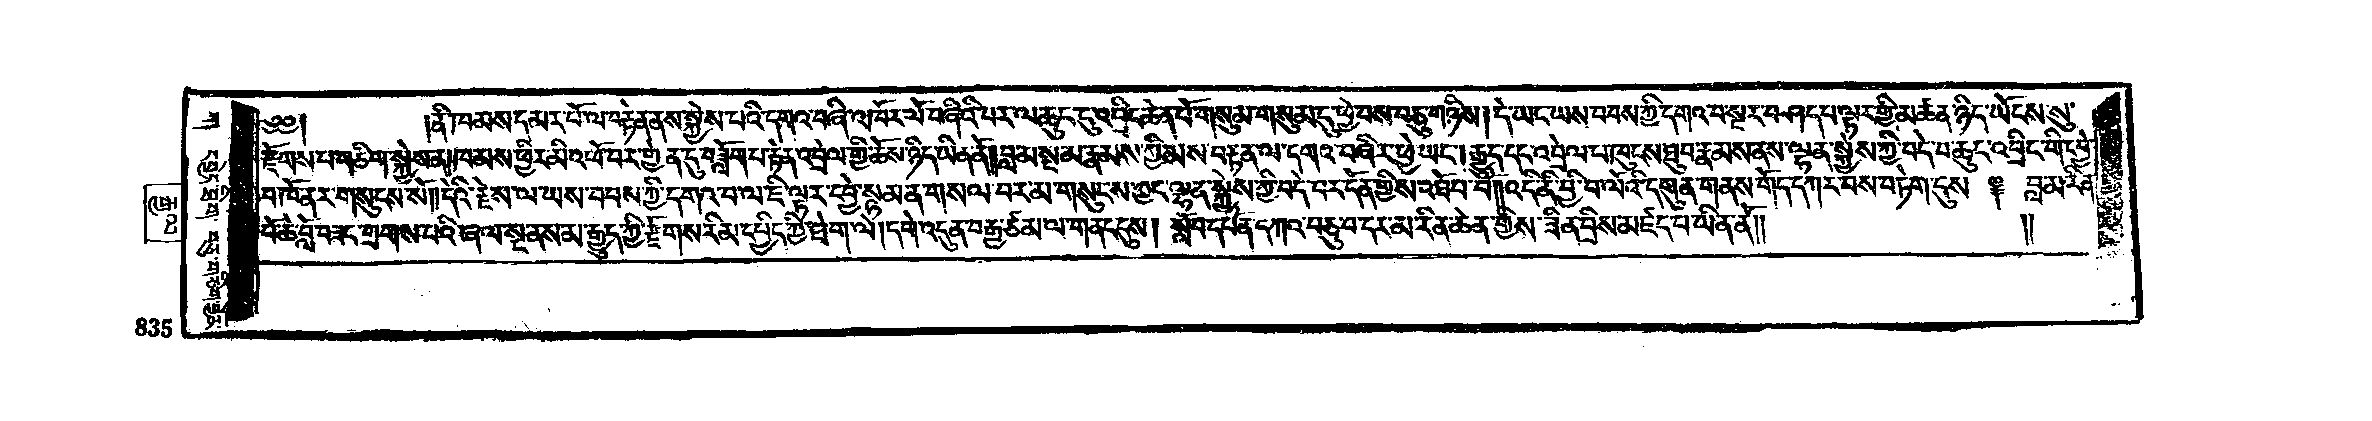༄༅། །ནི་ཁམས་དམར་པོ་ལ་བརྟེན་ནས་སྐྱེས་པའི་དགའ་བཞི་འཁོར་ལོ་བཞིའི་པར་ལ་ཆུང་ངུ་འབྲིང་ཆེན་པོ་གསུམ་གསུམ་དུ་ཕྱེ་བས་བཅུ་གཉིས། དེ་ཡང་ཡས་བབས་ཀྱི་དགའ་བ་སྔར་བཤད་པ་ལྟར་གྱི་མཚན་ཉིད་ཡོངས་སུ་
རྫོགས་པ་གཅིག་སྐྱེས་ན། ཁམས་ཕྱིར་མི་འཕོ་བར་གྱེན་དུ་བཟློག་པ་རྟེན་འབྲེལ་གྱི་ཆོས་ཉིད་ཡིན་ནོ། །བླ་མ་སྔ་མ་རྣམས་ཀྱི་མས་བརྟན་ལ་དགའ་བཞིར་ཕྱེ་ཡང་། རྒྱུད་དང་འབྲེལ་པ་ཁུངས་ཐུབ་རྣམས་ནས་ལྷན་སྐྱེས་ཀྱི་བདེ་བ་ཆུང་འབྲིང་གི་དབྱེ་
བ་ཁོ་ནར་གསུངས་སོ། །དེའི་རྗེས་ལ་ཡས་བབས་ཀྱི་དགའ་བ་ལ་ཇི་ལྟར་དབྱེ་སྙམ་ན་གསལ་བར་མ་གསུངས་ཀྱང?་ལྷན་སྐྱེས་ཀྱི་བདེ་བར་དོན་གྱི་འཐོབ་བོ། །འདི་ནི་བྱི་བ་ལོའི་དགུན་གནས་གོད་དཀར་བས་བཏེག་དུས། ༈ །བླ་མ་རིན་
པོ་ཆེ་བློ་བཟང་གྲགས་པའི་ཞལ་སྔ་ནས་མ་རྒྱུད་ཀྱི་རྫོགས་རིམ་དཔྱིད་ཀྱི་ཐེག་ལེ། དགེ་འདུན་བརྒྱ་ཙམ་ལ་གནང་དུས། སློབ་དཔོན་དཀའ་བཅུ་པ་དར་མ་རིན་ཆེན་གྱིས་ཟིན་བྲིས་མཛད་པ་ཡིན་ནོ།། །།